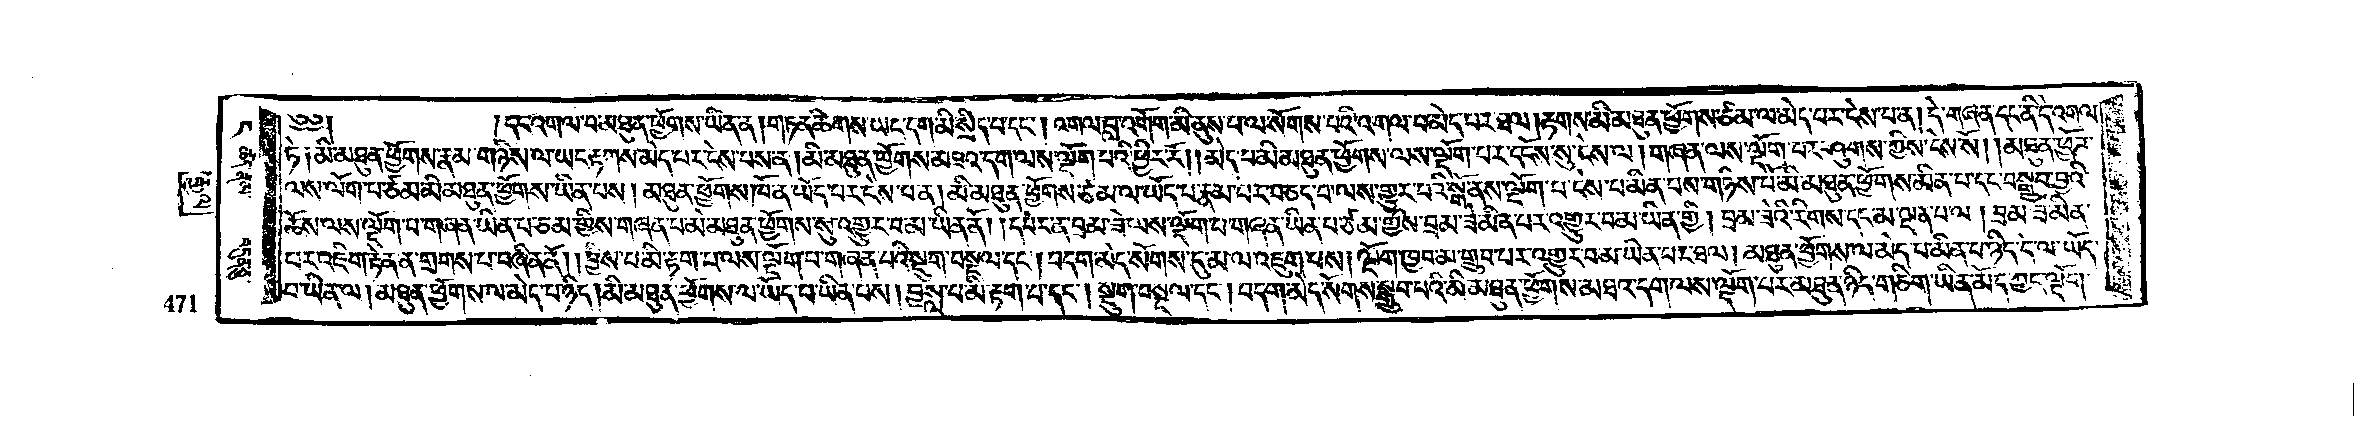༄༅། །དང་འགལ་བ་མཚུན་ཕྱོགས་ཡིན་ན། གཏན་ཚིགས་ཡང་དག་མི་སྲིད་པ་དང་། འགལ་བླ་འགོག་མི་ནུས་པ་ལ་སོགས་པའི་འགལ་བ་མེད་པར་ཐལ། རྟགས་མི་མཐུན་ཕྱོགས་ཙམ་ལ་མེད་པར་ངེས་པ་ན། དེ་གཞན་དང་ནི་དེ་འགལ་
ཏེ༑ མི་མཐུན་ཕྱོགས་རྣམས་གཉིས་ལ་ཡང་རྟགས་མེད་པར་ངེས་པས་ན། མི་མཐུན་ཕྱོགས་མཐའ་དག་ལས་ལྡོག་པའི་ཕྱིར་རོ། །མེད་པ་མི་མཐུན་ཕྱོགས་ལས་ལྡོག་པར་དངོས་སུ་ངེས་ལ། གཞན་ལས་ལྡོག་པར་ཤུགས་ཀྱིས་ངེས་སོ། །མཐུན་ཕྱོགས་
ལས་ལོག་པ་ཙམ་མི་མཐུན་ཕྱོགས་ཡིན་པས། མཐུན་ཕྱོགས་ཁོ་ན་ཡོད་པར་ངེས་པ་ན། མི་མཐུན་ཕྱོགས་ཙམ་ལ་ཡོད་པ་རྣམ་པར་བཅད་པ་ལས་གྱུར་པའི་སྒོ་ནས་ལྡོག་པ་ངེས་པ་མིན་པས་གཉིས་པོ་མི་མཐུན་ཕྱོགས་མིན་པ་དང་། བསྒྲུབ་བྱའི་
ཆོས་ལས་ལྡོག་པ་གཞན་ཡིན་པ་ཙམ་གྱིས་གཞན་པ་མི་མཐུན་ཕྱོགས་སུ་འགྱུར་བ་མ་ཡིན་ནོ། །དཔེར་ན་བྲམ་ཟེ་ཡས་ལྡོག་པ་གཞན་ཡིན་པ་ཙམ་གྱིས་བྲམ་ཟེ་མིན་པར་འགྱུར་བ་མ་ཡིན་གྱི། བྲམ་ཟེའི་རིགས་དང་མ་ལྡན་པ་ལ། བྲམ་ཟེ་མིན་
པར་འཇིག་རྟེན་ན་གྲགས་པ་བཞིན་ནོ། །བྱིས་པ་མི་རྟག་པ་ལས་ལྡོག་པ་གཞན་པའི་སྡུག་བསྔལ་དང་། བདག་མེད་སོགས་དུ་མ་ལ་འཇུག་པས། ལྡོག་ཁྱབ་མ་གྲུབ་པར་འགྱུར་བ་མ་ཡིན་པར་ཐལ། མཐུན་ཕྱོགས་ལ་མེད་པ་མིན་པ་ཉིད་དེ་ལ་ཡོད་
པ་ཡིན་ལ། མཐུན་ཕྱོགས་ལ་མེད་པ་ཉིད། མི་མཐུན་ཕྱོགས་ལ་ཡོད་པ་ཡིན་པས། བྱ་སླ་པ་མི་རྟག་པ་དང་། སྡུག་བསྔལ་དང་། བདག་མེད་སོགས་སྒྲུབ་པའི་མི་མཐུན་ཕྱོགས་མཐའ་དག་ལས་ལྡོག་པར་མཐུན་ཉིད་གཅིག་ཡིན་མོད་ཀྱང་ལྡོག་